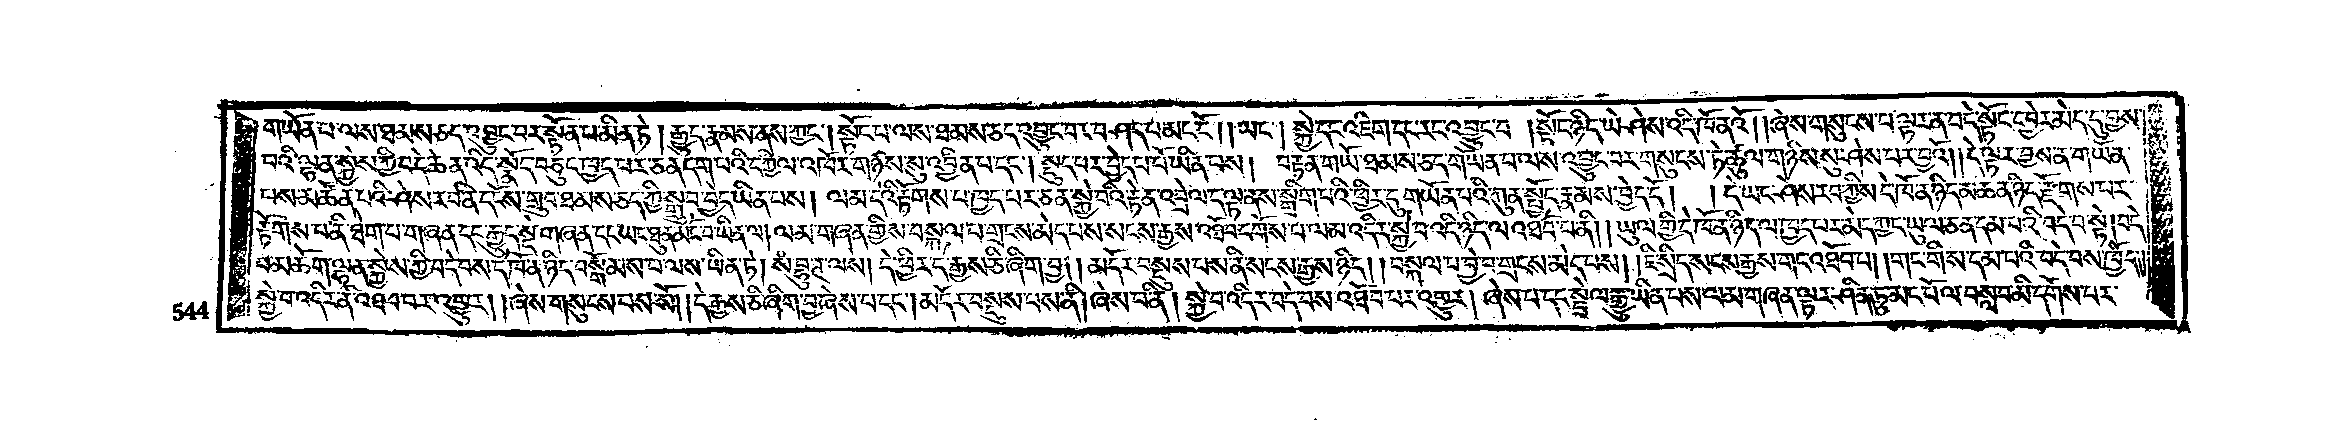གཡོན་པ་ལས་ཐམས་ཅད་འབྱུང་པར་སྟོན་པ་མིན་ཏེ། རྒྱུད་རྣམས་ནས་ཀྱང་། སྟོང་པ་ལས་ཐམས་ཅད་འབྱུང་བར་བཤད་པ་མང་ངོ། །ཡང་། སྐྱེ་དང་འཇིག་དང་རང་འབྱུང་བ། །སྟོང་ཉིད་ཡེ་ཤེས་འདི་ཁོ་ནའོ། །ཞེས་གསུངས་པ་ལྟར་ན་བདེ་སྟོང་དབྱེར་མེད་དུ་བྱས་
པའི་ལྷན་སྐྱེས་ཀྱི་བདེ་ཆེན་ཉིད་སྣོད་བཅུད་ཁྱད་པར་ཅན་དག་པའི་དཀྱིལ་འཁོར་གཉིས་སུ་འབྱིན་པ་དང་། སྡུད་པར་བྱེད་པ་པོ་ཡིན་པས། བརྟན་གཡོ་ཐམས་ཅད་གཡོན་པ་ལས་འབྱུང་བར་གསུངས་ཏེ་ཚུལ་གཉིས་སུ་ཤེས་པར་བྱའོ། །དེ་ལྟར་བྱས་ན་གཡོན་
པས་མཚོན་པའི་ཤེས་རབ་ནི་དངོས་གྲུབ་ཐམས་ཅད་ཀྱི་སྒྲུབ་བྱེད་ཡིན་པས། ལམ་དེའི་རྟོགས་པ་ཁྱད་པར་ཅན་སྐྱེ་བའི་རྟེན་འབྲེལ་ད་ལྟ་ནས་སྒྲིག་པའི་ཕྱིར་དུ་གཡོན་པའི་ཀུན་སྤྱོད་རྣམས་བྱེད་དོ། །དེ་ཡང་ཤེས་རབ་ཀྱིས་དེ་ཁོ་ན་ཉིད་མཚན་ཉིད་རྫོགས་པར་
རྟོགས་པ་ནི་ཐེག་པ་གཞན་དང་རྒྱུད་སྡེ་གཞན་དང་ཡང་ཐུན་མོང་བ་ཡིན་ལ། ལམ་གཞན་གྱིས་བསྐལ་པ་གྲངས་མེད་པས་སངས་རྒྱས་འཐོབ་དགོས་པ་ལམ་འདིར་སྐྱེ་བ་འདི་ཉིད་ལ་འཐོབ་པ་ནི། །ཡུལ་གྱི་དེ་ཁོ་ན་ཉིད་ལ་ཁྱད་པར་མེད་ཀྱང་ཡུལ་ཅན་དམ་པའི་བདེ་བ་སྟེ། བདེ་
བ་མཆོག་ལྷན་སྐྱེས་ཀྱི་བདེ་བས་དེ་ཁོ་ན་ཉིད་བསྒོམས་པ་ལས་ཡིན་ཏེ། སཾ་བྷུ་ཊ་ལས། དེ་ཕྱིར་དེ་རྒྱས་ཅི་ཞིག་བྱ། །མདོར་བསྡུས་པས་ནི་སངས་རྒྱས་ཉིད། །བསྐལ་པ་བྱེ་བ་གྲངས་མེད་པས། །ཇི་སྲིད་སངས་རྒྱས་གང་འཐོབ་པ། །གང་གིས་དམ་པའི་བདེ་བས་ཁྱོད། །
སྐྱེ་བ་འདིར་ནི་འཐོབ་པར་འགྱུར། །ཞེས་གསུངས་པས་སོ། །དེ་རྒྱས་ཅི་ཞིག་བྱ་ཞེས་པ་དང་། མདོར་བསྡུས་པས་ནི། ཞེས་པ་ནི། སྐྱེ་བ་འདིར་བདེ་བས་འཐོབ་པར་འགྱུར། ཞེས་པ་དང་སྦྲེལ་རྒྱུ་ཡིན་པས་ལམ་གཞན་ལྟར་ཤིན་ཏུ་མང་པོ་ལ་བསླབ་མི་དགོས་པར་